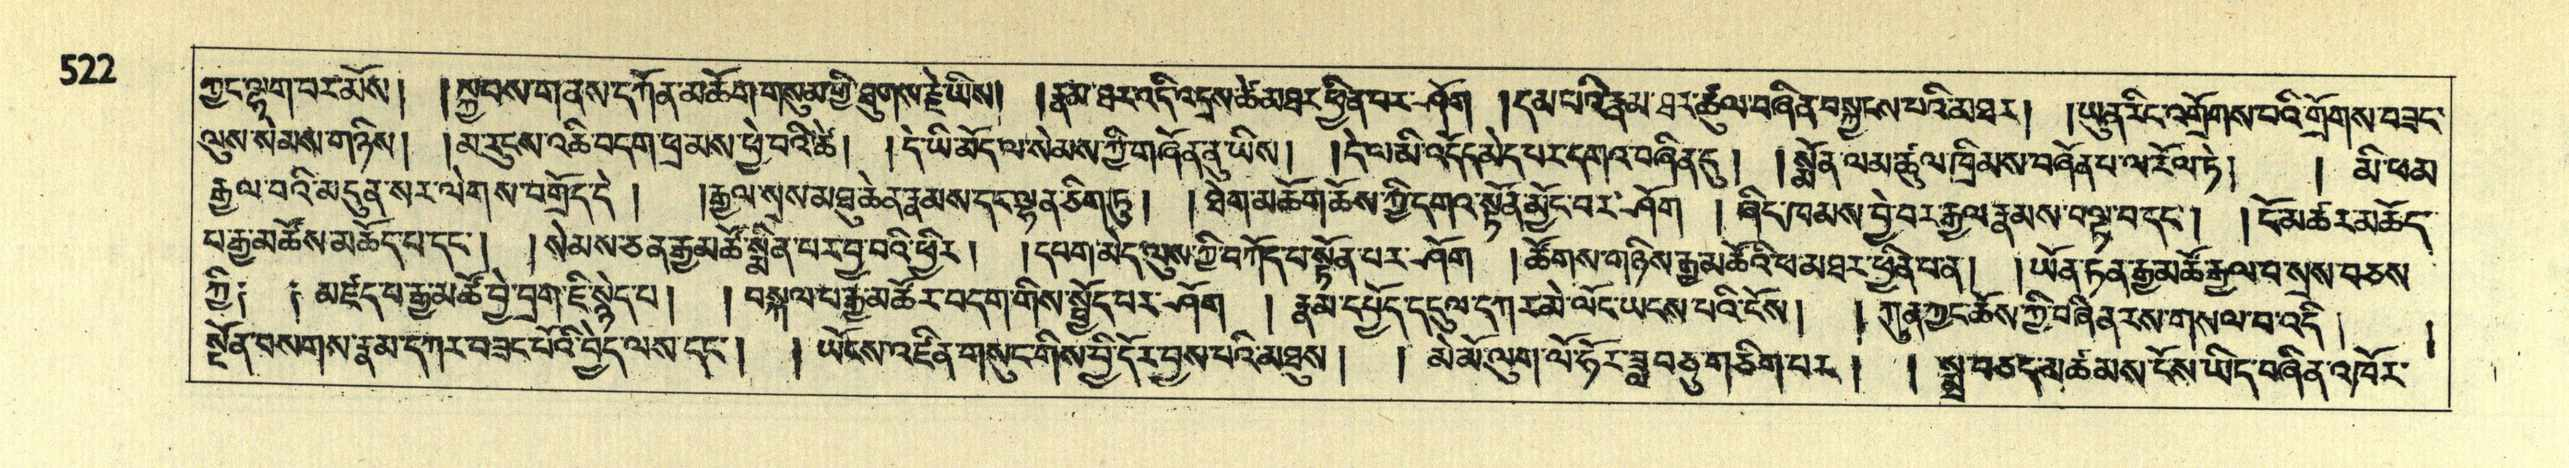ཀྱང་ལྷག་བར་མོས། །སྐྱབས་གནས་དཀོན་མཆོག་གསུམ་གྱི་ཐུགས་རྗེ་ཡིས། །རྣམ་ཐར་འདི་འདྲས་ཚེ་མཐར་ཕྱིན་པར་ཤོག །དམ་པའི་རྣམ་ཐར་ཚུལ་བཞིན་བསྐྱངས་པའི་མཐར། །ཡུན་རིང་འགྲོགས་པའི་གྲོགས་བཟང་
ལུས་སེམས་གཉིས། །མ་རུངས་འཆི་བདག་ཕྲ་མས་ཕྱེ་བའི་ཚེ། །དེ་ཡི་མོད་ལ་སེམས་ཀྱི་གཞོན་ནུ་ཡིས། །དེ་ལ་མི་འདོད་མེད་པར་དགའ་བཞིན་དུ། །སྨོན་ལམ་ཚུལ་ཁྲིམས་བཞོན་པ་ལ་རོལ་ཏེ། །མི་ཕམ་
རྒྱལ་བའི་མདུན་སར་ལེགས་བགྲོད་དེ། །རྒྱལ་སྲས་མཐུ་ཆེན་རྣམས་དང་ལྷན་ཅིག་ཏུ། །ཐེག་མཆོག་ཆོས་ཀྱི་དགའ་སྟོན་མྱོང་བར་ཤོག །ཞིང་ཁམས་བྱེ་བར་རྒྱལ་རྣམས་བལྟ་བ་དང་། །ངོ་མཚར་མཆོད་
པ་རྒྱ་མཚོས་མཆོད་པ་དང་། །སེམས་ཅན་རྒྱ་མཚོ་སྨིན་པར་བྱ་བའི་ཕྱིར། །དཔག་མེད་ལུས་ཀྱི་བཀོད་པ་སྟོན་པར་ཤོག །ཚོགས་གཉིས་རྒྱ་མཚོའི་ཕ་མཐར་ཕྱིན་པ་ན། །ཡོན་ཏན་རྒྱ་མཚོ་རྒྱལ་བ་སྲས་བཅས་
ཀྱི༑ ༑མཛད་པ་རྒྱ་མཚོ་བྱེ་བྲག་ཇི་སྙེད་པ། །བསྐལ་པ་རྒྱ་མཚོར་བདག་གིས་སྦྱོད་པར་ཤོག །རྣམ་དཔྱོད་དངུལ་དཀར་མེ་ལོང་ཡངས་པའི་ངོས། །ཀུན་ཀྱང་ཆོས་ཀྱི་བཞིན་རས་གསལ་བ་འདི། །
སྔོན་བསགས་རྣམ་དཀར་བཟང་པོའི་བྱེད་ལས་དང་། །ཡོངས་འཛིན་གསུང་གིས་བྱི་དོར་བྱས་པའི་མཐུས། །མེ་མོ་ལུག་ལོ་ཧོར་ཟླ་བཅུ་གཅིག་པར། །སྨྲ་བཅད་མཚམས་ངོས་ཡིད་བཞིན་འཁོར་